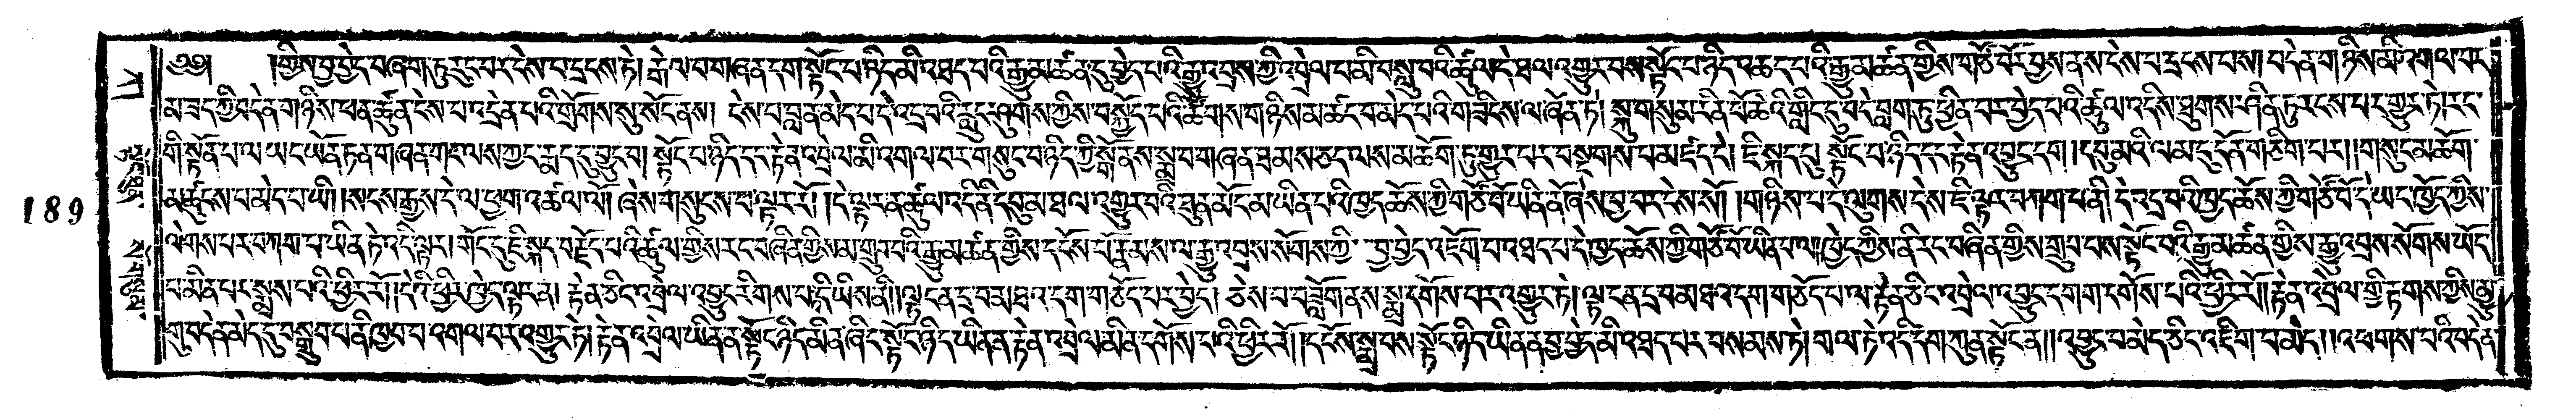༄༅། །གྱིས་བྱ་བྱེད་བཞག་ཏུ་རུང་བར་ངེས་པ་དྲངས་ཏེ། རྒེལ་བ་གཞན་དག་སྟོང་པ་ཉིད་མི་འཐད་པའི་རྒྱུ་མཚན་དུ་བྱེད་པའི་རྒྱུ་འབྲས་ཀྱི་འབྲེལ་པ་མི་བསླུ་བའི་ཚུལ་དེ་ཐལ་འགྱུར་བས་སྟོང་པ་ཉིད་འཆད་པའི་རྒྱུ་མཚན་གྱིས་གཙོ་བོར་བྱས་ནས་ངེས་པ་དྲངས་པས། བདེན་གཉིས་མི་འགལ་བར་
མ་ཟད་ཀྱི་བདེན་གཉིས་ཕན་ཚུན་ངེས་པ་འདྲེན་པའི་གྲོགས་སུ་སོང་ནས། ངེས་པ་བླ་ན་མེད་པ་དེ་འདྲ་བའི་རླུང་ཤུགས་ཀྱིས་བསྐྱོད་པའི་ཚོགས་གཉིས་མ་ཚང་བ་མེད་པའི་གཟིངས་ལ་ཞོན་ཏེ། སྐུ་གསུམ་རིན་པོ་ཆེའི་གླིང་དུ་བདེ་བླག་ཏུ་ཕྱིན་པར་བྱེད་པའི་ཚུལ་འདིས་ཐུགས་ཤིན་ཏུ་རངས་པར་གྱུར་ཏེ། རང་
གི་སྟོན་པ་ལ་ཡང་ཡོན་ཏན་གཞན་གང་ལས་ཀྱང་རྨད་དུ་བྱུང་བ། སྟོང་པ་ཉིད་དང་རྟེན་འབྲེལ་མི་འགལ་བར་གསུང་བ་ཉིད་ཀྱི་སྒོ་ནས་སྨྲ་བ་གཞན་ཐམས་ཅད་ལས་མཆོག་ཏུ་གྱུར་པར་བསྔགས་པ་མཛད་དེ། ཇི་སྐད་དུ། སྟོང་པ་ཉིད་དང་རྟེན་འབྱུང་དག །དབུ་མའི་ལམ་དུ་དོན་གཅིག་པར། །གསུང་མཆོག་
མཚུངས་པ་མེད་པ་ཡི། །སངས་རྒྱས་དེ་ལ་ཕྱག་འཚལ་ལོ། ཞེས་གསུངས་པ་ལྟར་རོ། །དེ་ལྟར་ན་ཚུལ་འདི་ནི་དབུ་མ་ཐལ་འགྱུར་བའི་ཐུན་མོང་མ་ཡིན་པའི་ཁྱད་ཆོས་ཀྱི་གཙོ་བོ་ཡིན་ནོ་ཞེས་བྱ་བར་ངེས་སོ། །གཉིས་པ་དེ་ལུགས་དེས་ཇི་ལྟར་བཀག་བ་ནི། དེ་འདྲ་བའི་ཁྱད་ཆོས་ཀྱི་གཙོ་བོ་དེ་ཡང་ཁྱོད་ཀྱིས་
ལེགས་པར་བཀག་པ་ཡིན་ཏེ་འདི་ལྟར། གོང་དུ་ཇི་སྐད་བརྗོད་པའི་ཚུལ་གྱིས་རང་བཞིན་གྱིས་མ་གྲུབ་པའི་རྒྱུ་མཚན་གྱིས་དངོས་པོ་རྣམས་ལ་རྒྱུ་འབྲས་སོགས་ཀྱི་བྱ་བྱེད་འཇོག་པ་འཐད་པ་དེ་ཁྱད་ཆོས་ཀྱི་གཙོ་བོ་ཡིན་པ་ལ། ཁྱེད་ཀྱིས་ནི་རང་བཞིན་གྱིས་གྲུབ་པས་སྟོང་བའི་རྒྱུ་མཚན་གྱིས་རྒྱུ་འབྲས་སོགས་ཡོད་
བ་མིན་པར་སྨྲས་པའི་ཕྱིར་རོ། །དེའི་ཕྱིར་ཁྱེད་ལྟར་ན། རྟེན་ཅིང་འབྲེལ་འབྱུང་རིགས་པ་དི་?་ཡིས་ནི། །ལྟ་ངན་དྲ་བ་མཐའ་དག་གཅོད་པར་བྱེད། ཅེས་པ་བཟློག་ནས་སྨྲ་དགོས་པར་འགྱུར་ཏེ། ལྟ་ངན་དྲ་བ་མཐའ་དག་གཅོད་པ་ལ་རྟེན་ཅིང་འབྲེལ་འབྱུང་དགག་དགོས་པའི་ཕྱིར་རོ། །རྟེན་འབྲེལ་གྱི་རྟགས་ཀྱིས་མྱུ་
གུ་བདེན་མེད་དུ་བསྒྲུབ་པ་ནི་ཁྱབ་པ་འགལ་བར་འགྱུར་ཏེ། རྟེན་འབྲེལ་ཡིན་ན་སྟོང་ཉིད་མིན་ཞིང་སྟོང་ཡིན་ན་རྟེན་འབྲེལ་མིན་དགོས་པའི་ཕྱིར་རོ། །དངོས་སྨྲ་བས་སྟོང་ཉིད་ཡིན་ན་བྱ་བྱེད་མི་འཐད་པར་བསམས་ཏེ། གལ་ཏེ་འདི་དག་ཀུན་སྟོང་ན། །འབྱུང་བ་མེད་ཅིང་འཇིག་པ་མེད། །འཕགས་པའི་བདེན་